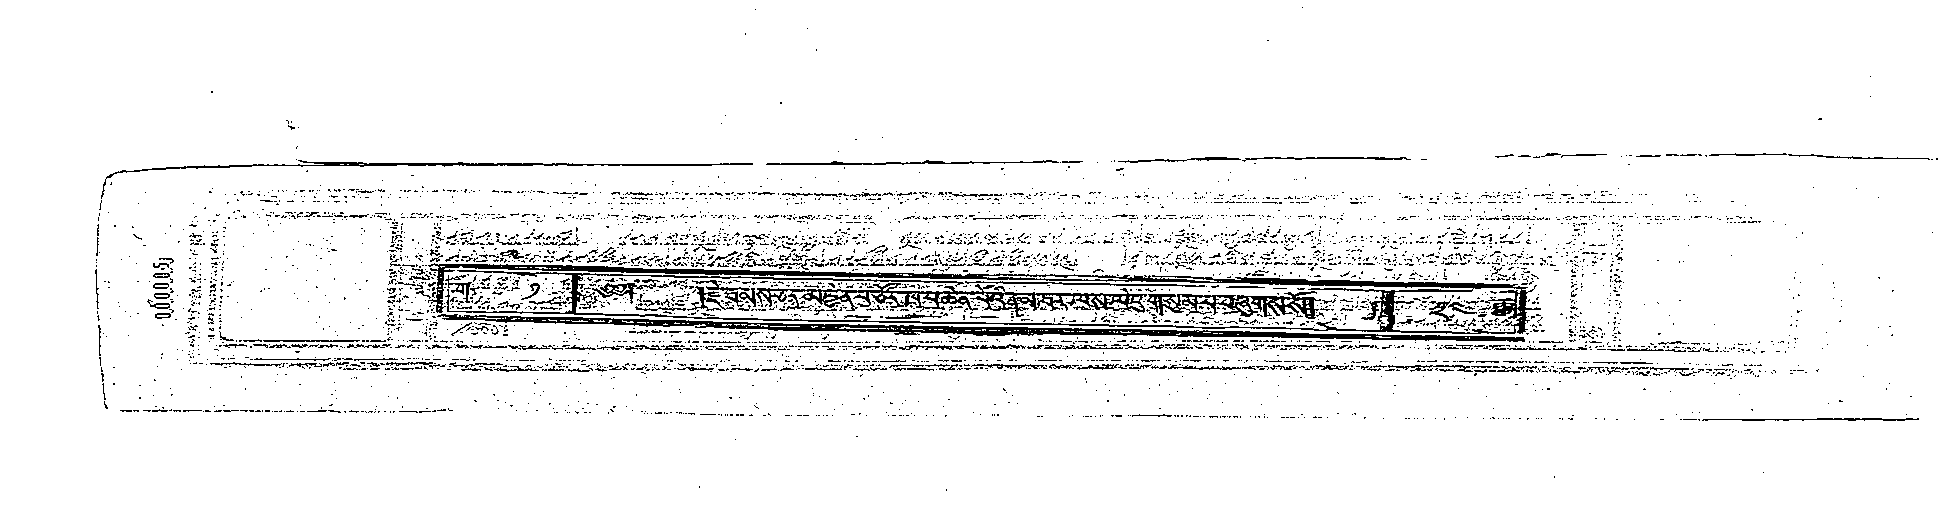ཁ༢?
༄༅། །རྗེ་ཐམས་ཅད་མཁྱེན་པ་ཙོང་ཁ་པ་ཆེན་པོའི་རྣམ་ཐར་ལས་ལེའུ་གསུམ་པ་བཞུགས་སོ།